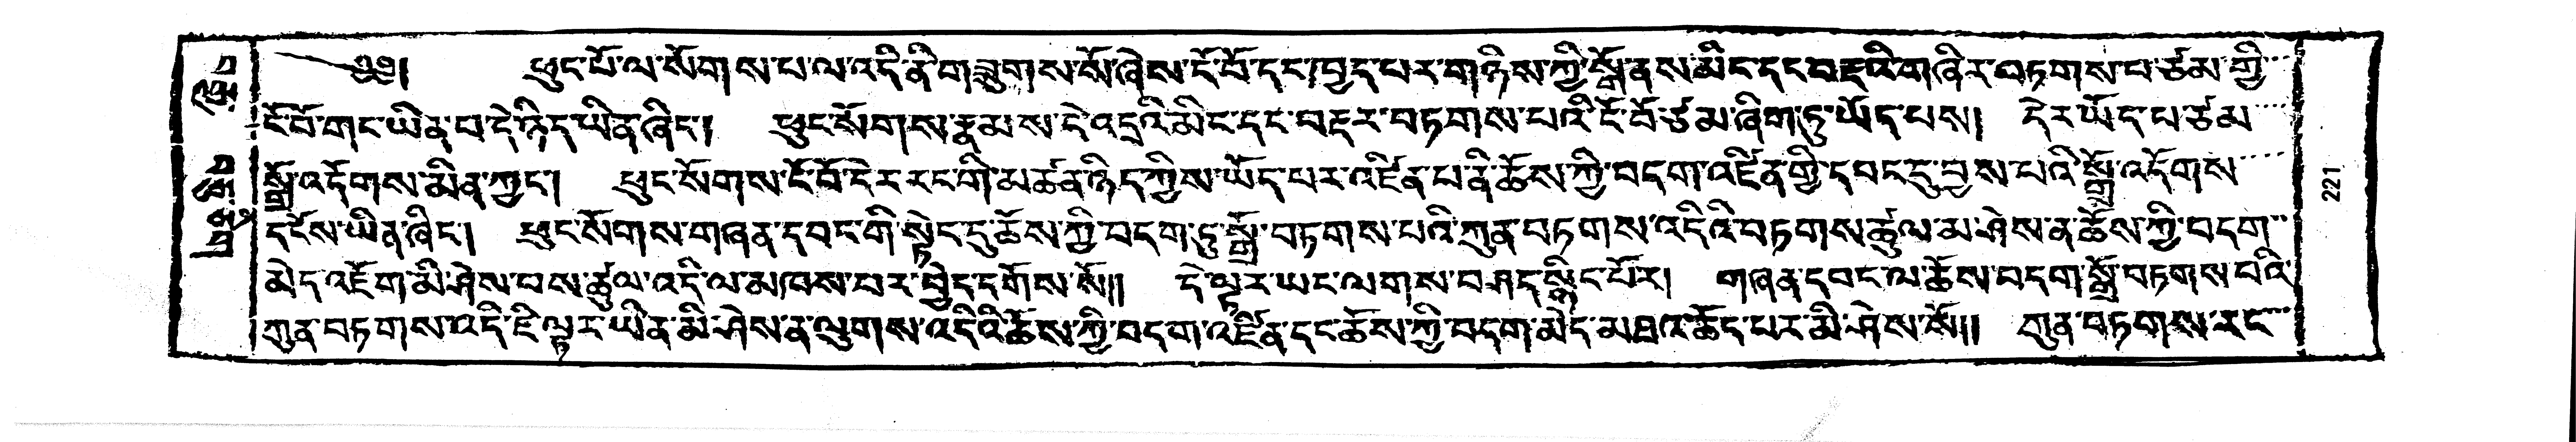༄༅། །ཕུང་པོ་ལ་སོགས་པ་ལ་འདི་ནི་གཟུགས་སོ་ཞེས་ངོ་བོ་དང་ཁྱད་པར་གཉིས་ཀྱི་སྒོ་ནས་མིང་དང་བརྡའི་གཞིར་བཏགས་པ་ཙམ་གྱི་
ངོ་བོ་གང་ཡིན་པ་དེ་ཉིད་ཡིན་ཞིང་། ཕུང་སོགས་རྣམས་དེ་འདྲའི་མིང་དང་བརྡར་བཏགས་པའི་ངོ་བོ་ཙམ་ཞིག་ཏུ་ཡོད་པས། དེར་ཡོད་པ་ཙམ་
སྒྲོ་འདོགས་མིན་ཀྱང་། ཕུང་སོགས་ངོ་བོ་དེར་རང་གི་མཚན་ཉིད་ཀྱིས་ཡོད་པར་འཛིན་པ་ནི་ཆོས་ཀྱི་བདག་འཛིན་གྱི་དབང་དུ་བྱས་པའི་སྒྲོ་འདོགས་
དངོས་ཡིན་ཞིང་། ཕུང་སོགས་གཞན་དབང་གི་སྟེང་དུ་ཆོས་ཀྱི་བདག་ཏུ་སྒྲོ་བཏགས་པའི་ཀུན་བཏགས་འདིའི་བཏགས་ཚུལ་མ་ཤེས་ན་ཆོས་ཀྱི་བདག་
མེད་འཇོག་མི་ཤེས་པས་ཚུལ་འདི་ལ་མཁས་པར་བྱེད་དགོས་སོ། །དེ་ལྟར་ཡང་ལགས་བཤད་སྙིང་པོར། གཞན་དབང་ལ་ཆོས་བདག་སྒྲོ་བཏགས་པའི་
ཀུན་བཏགས་འདི་ཇི་ལྟར་ཡིན་མི་ཤེས་ན་ལུགས་འདིའི་ཆོས་ཀྱི་བདག་འཛིན་དང་ཆོས་ཀྱི་བདག་མེད་མཐའ་ཆོད་པར་མི་ཤེས་སོ། །ཀུན་བཏགས་རང་